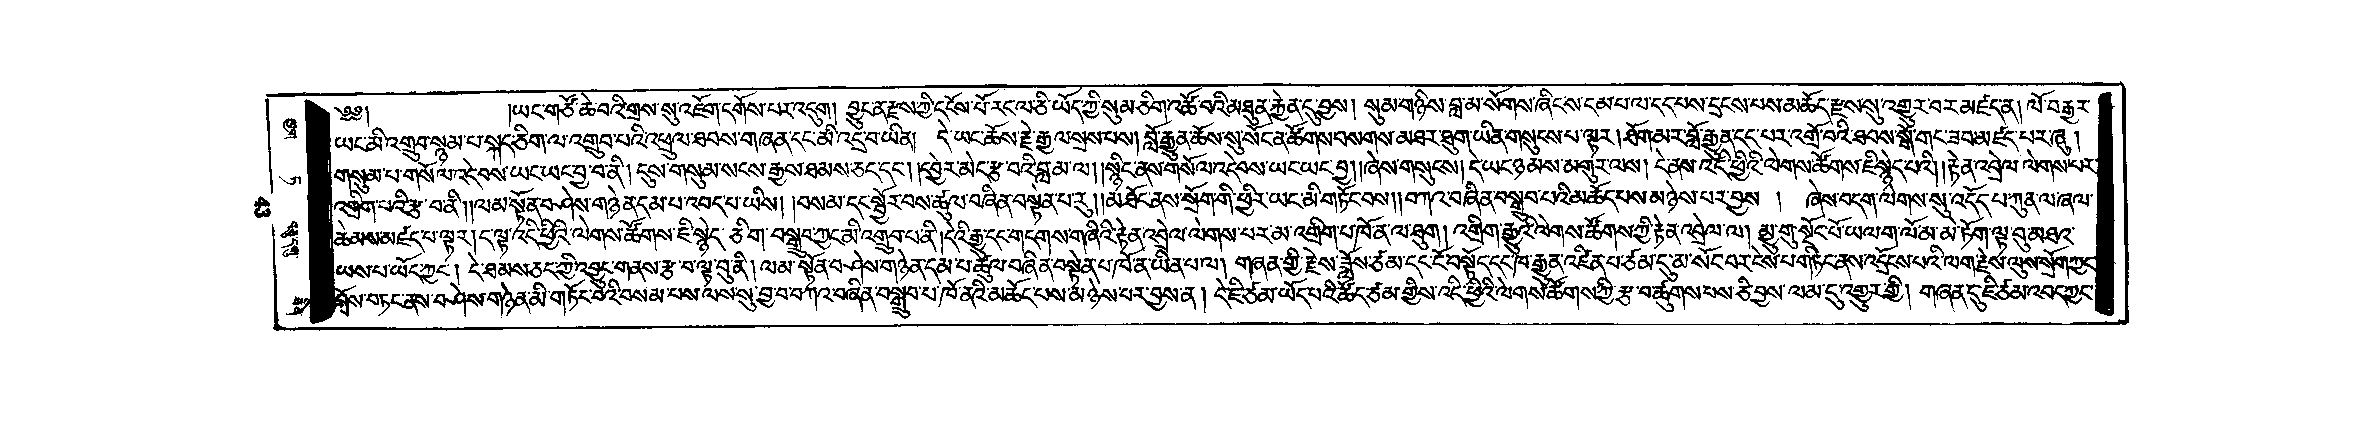༄༅། །ཡང་གཙོ་ཆེ་བའི་གྲས་སུ་འཇོག་དགོས་པར་འདུག །བྱུང་ན་རྫས་ཀྱི་དངོས་པོ་རང་ལ་ཅི་ཡོད་ཀྱི་སུམ་ཅིག་འཚོ་བའི་མཐུན་རྐྱེན་དུ་བྱས། སུམ་གཉིས་བླ་མ་སོགས་ཞིང་ས་དམ་པ་ལ་དད་པས་དྲངས་པས་མཆོད་རྫས་སུ་འགྱུར་བར་མཛད་ན། ལོ་བརྒྱར་
ཡང་མི་འགྲུབ་སྙམ་པ་སྐད་ཅིག་ལ་འགྲུབ་པའི་འཕྲུལ་ཐབས་གཞན་དང་མི་འདྲ་བ་ཡིན། དེ་ཡང་ཆོས་རྗེ་རྒྱལ་སྲས་པས། བློ་རྒྱུན་ཆོས་སུ་སོང་ན་ཚོགས་བསགས་མཐར་ཐུག་ཡིན་གསུངས་པ་ལྟར། ཐོག་མར་བློ་རྒྱུན་དད་པར་འགྲོ་བའི་ཐབས་སྒོ་གང་ཟབ་མཛད་པར་ཞུ།
གསུམ་པ་གསོལ་འདེབས་ཡང་ཡང་བྱ་བ་ནི། དུས་གསུམ་སངས་རྒྱས་ཐམས་ཅད་དང་། །དབྱེར་མེད་རྩ་བའི་བླ་མ་ལ། །སྙིང་ནས་གསོལ་འདེབས་ཡང་ཡང་བྱ། །ཞེས་གསུངས། དེ་ཡང་ཉམས་མགུར་ལས། དེ་ནས་འདི་ཕྱིའི་ལེགས་ཚོགས་ཇི་སྙེད་པའི། །རྟེན་འབྲེལ་ལེགས་པར་
འགྲིག་པའི་རྩ་བ་ནི། །ལམ་སྟོན་བཤེས་གཉེན་དམ་པ་འབད་པ་ཡིས། །བསམ་དང་སྦྱོར་བས་ཚུལ་བཞིན་བསྟེན་པ་རུ། །མཐོང་ནས་སྲོག་གི་ཕྱིར་ཡང་མི་གཏོང་བས། །བཀའ་བཞིན་བསྒྲུབ་པའི་མཆོད་པས་མཉེས་པར་བྱས། ཞེས་བདག་ལེགས་སུ་འདོད་པ་ཀུན་ལ་ཞལ་
ཆེམས་མཛད་པ་ལྟར། ད་ལྟ་འདི་ཕྱིའི་ལེགས་ཚོགས་ཇི་སྙེད་ཅིག་བསྒྲུབ་ཀྱང་མི་འགྲུབ་པ་ནི། དེའི་རྒྱུ་དང་གདགས་གཞིའི་རྟེན་འབྲེལ་ལེགས་པར་མ་འགྲིག་པ་ཁོ་ན་ལ་ཐུག །འགྲིག་རྒྱུའི་ལེགས་ཚོགས་ཀྱི་རྟེན་འབྲེལ་ལ། མྱུ་གུ་སྡོང་པོ་ཡལ་ག་ལོ་མ་མེ་ཏོག་ལྟ་བུ་མཐའ་
ཡས་པ་ཡོད་ཀྱང་། དེ་ཐམས་ཅད་ཀྱི་འབྱུང་གནས་རྩ་བ་ལྟ་བུ་ནི། ལམ་སྟོན་བཤེས་གཉེན་དམ་པ་ཚུལ་བཞིན་བསྟེན་པ་ཁོ་ན་ཡིན་པ་ལ། གཞན་གྱི་རྗེས་ཟློས་ཙམ་དང་ངོ་བསྟོད་དང་ཁ་རྒྱུན་འཛིན་པ་ཙམ་དུ་མ་སོང་བར་ངེས་པ་གཏིང་ནས་འདྲོངས་པའི་ལག་རྗེས་ལུས་སྲོག་ཀྱང་
བློས་བཏང་ནས་བཤེས་གཉེན་མི་གཏོང་བའི་བསམ་པས་ལས་སུ་བྱ་བ་བཀའ་བཞིན་བསྒྲུབ་པ་ཁོ་ནའི་མཆོད་པས་མཉེས་པར་བྱས་ན། དེ་ཇི་ཙམ་ཡོད་པའི་ཚོད་ཙམ་གྱིས་འདི་ཕྱིའི་ལེགས་ཚོགས་ཀྱི་རྩ་བ་ཚུགས་པས་ཅི་བྱས་ལམ་དུ་འགྱུར་གྱི། གཞན་དུ་ཇི་ཙམ་འབད་ཀྱང་